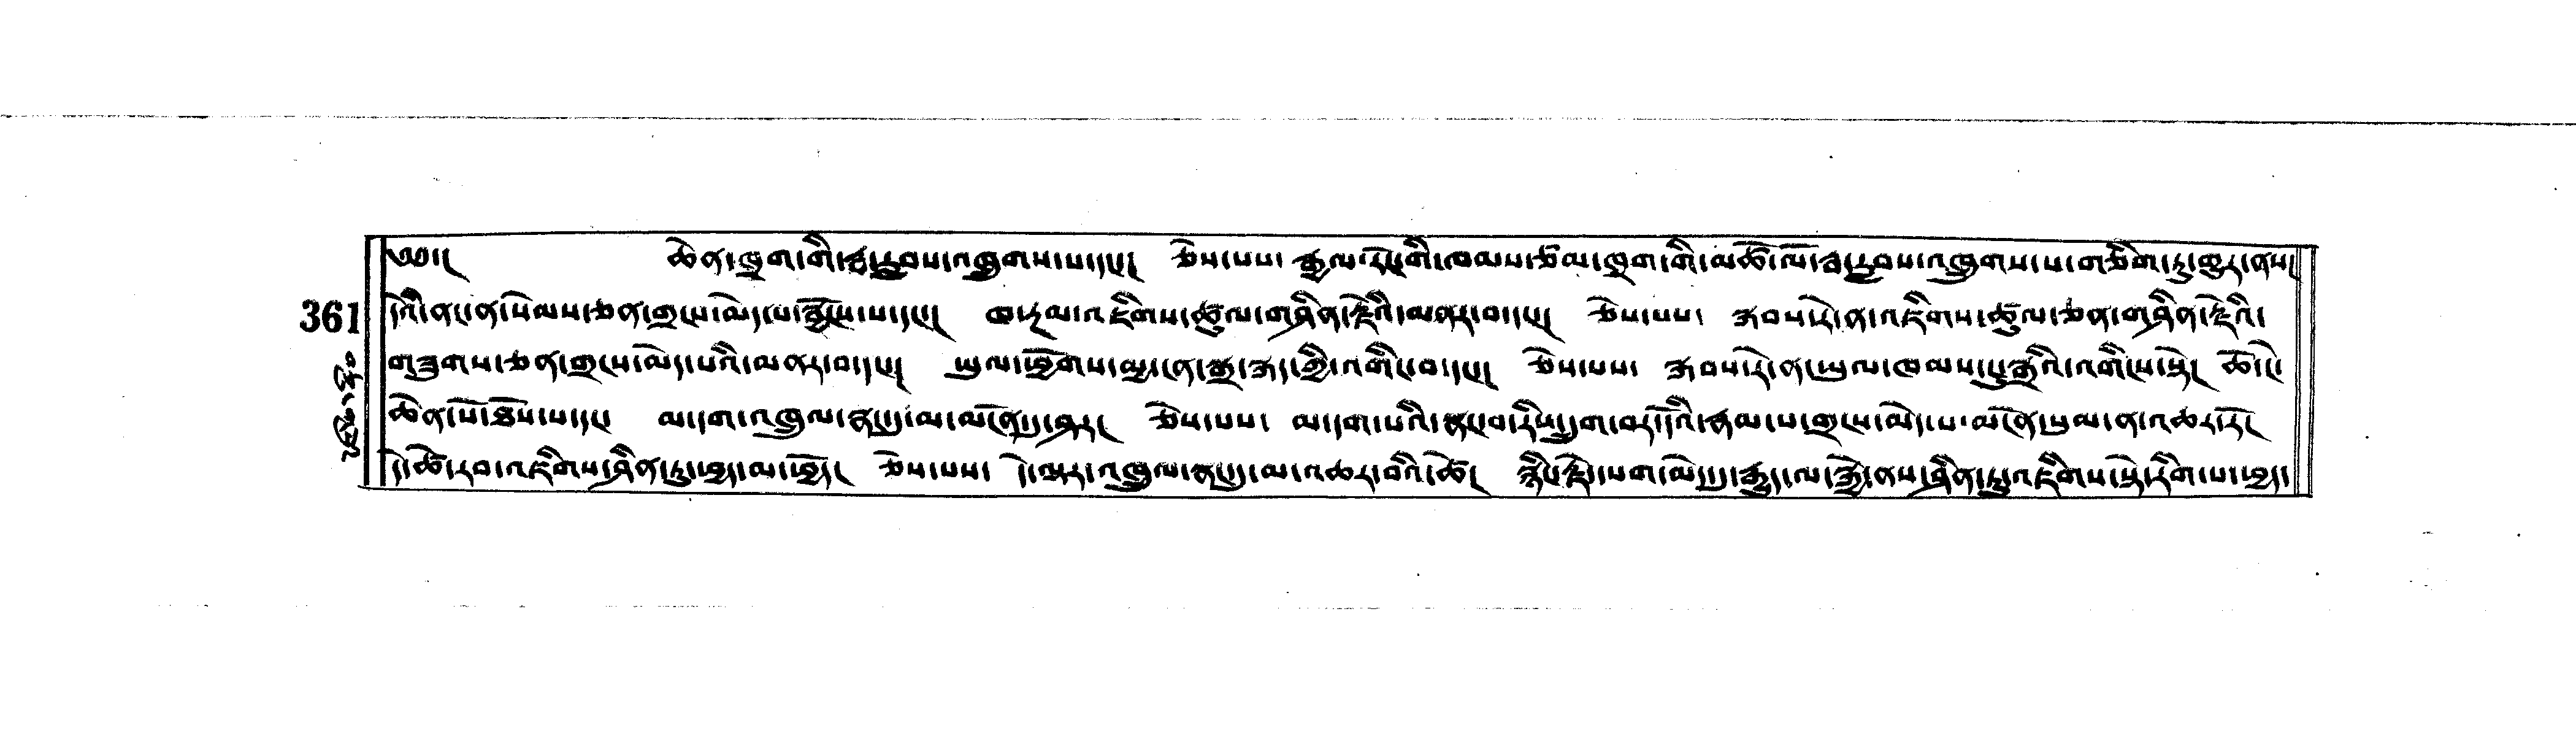ཆེན་ཁྲག་གི་རྦ་རླབས་འཁྲུག་པ་དང་། ཅེས་པས། རྒྱལ་རོང་གི་ཁམས་ཙམ་ཁྲག་གི་མཚོ་མོ་རྦ་རླབས་འཁྲུག་པ་གཅིག་ཏུ་གྱུར་ནས། 
དེའི་ནང་ན་སེམས་ཅན་གྲངས་མེད་པ་སྦྱོང་བ་དང་། ཁ་རྔམ་འཇིགས་ཚུལ་གཤིན་རྗེས་མནར་བ་དང་། ཅེས་པས། སྐབས་རེ་ན་འཇིགས་ཚུལ་ཅན་གཤིན་རྗེའི་
གཟུགས་ཅན་གྲངས་མེད་པས་མནར་བ་དང་། ཡུལ་ཕྱོགས་མྱ་ངན་སྒྲ་སྐད་ཀྱིས་འགེངས་པ་དང་། ཅེས་པས། སྐབས་རེ་ན་ཡུལ་ཁམས་ངུ་སྒྲས་འགེངས་ཏེ། ཆོ་ངེ་
ཆེན་པོ་ཐོས་པ་དང་། མ་དག་འཁྲུལ་སྣང་དུ་མ་མངོན་དུ་ཤར། ཅེས་པས། མ་དག་པའི་སྣང་བ་རིགས་དྲུག་བར་དོའི་རྣམ་པ་གྲངས་མེད་པ་མངོན་སུམ་ན་འཆར་རོ། 
དེ་ཚེ་རབ་འཇིགས་ཤིན་ཏུ་ཕྱད་མ་ཕྱོད། ཅེས་པས། དེ་ལྟར་འཁྲུལ་སྣང་དུ་མ་འཆར་བའི་ཚེ། སྙིང་རྗེ་དཔག་མེད་དུ་རྒྱུད་ལ་སྐྱེ་ནས་ཤིན་ཏུ་འཇིགས་ཏེ་རིག་པ་ཕྱད་